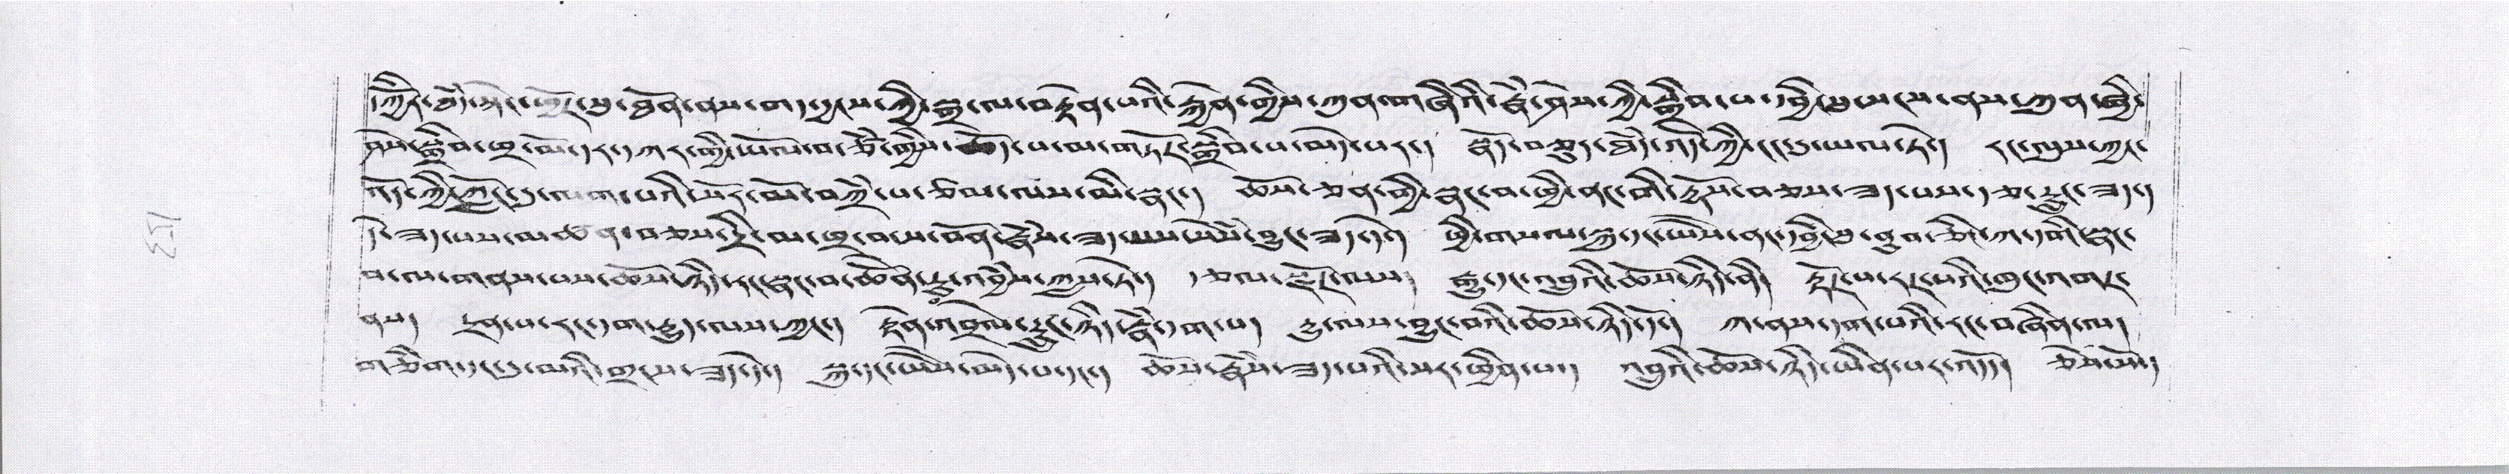དཀྱིལ་འཁོར་ཐམས་ཅད་སྟེང་ཕྱོགས་སུ་ཐོན་ནས་གད་རྒྱངས་ཀྱི་སྒྲ་ལ་བརྟེན་པའི་རྐྱེན་གྱིས་ཀུན་གཞིའི་རྣམ་ཤེས་ཀྱི་སྒྲིབ་པ་དབྱིངས་སུ་སངས་ནས་ཀུན་གཞི་
ཤེས་སྒྲིབ་ཕྲ་མོི་དར་དཀར་གྱི་ཡོལ་བ་ཙམ་གྱིས་ཆོད་པ་མ་གཏོགས་སྒྲིབ་པ་མེད་པར། སྣོད་བཅུད་ཐམས་ཅད་འོད་ཀྱི་ངང་དུ་ཡལ་ཏེ། རང་ལུས་ཀྱང་
འོད་ཀྱི་ཀློང་དུ་ལག་པའི་སོར་མོ་བཀྲམ་པ་ཙམ་ལས་མི་སྣང་། ཆོས་ཅན་གྱི་སྣང་བ་ཕྱི་ནང་གི་རྡོས་བཅས་ཟད་པས་རྩ་རླུང་ཟད། 
དེ་ཟད་པས་མཚན་བཅས་དྲི་མ་ཕྲ་བ་ས་བོན་རྣམས་ཟད་པས་སེམས་བྱུང་ཟད་དེ། ཕྱི་གསལ་སྐུ་དང་ཡེ་ཤེས་ནང་དབྱིངས་སུ་ནུབ་ཅིང་ཀ་དག་གི་སྣང་
བ་ལ་གནས་པས་ཆོས་ཉིད་རང་སྣང་བ་ཆེན་པོ་རུ་འབྱམས་ཀླས་ཏེ། རྩལ་རྫོགས་ལས། རྒྱུ་དང་འབྲས་བུའི་ཆོས་ཉིད་ནི། རྟོག་པ་རགས་པའི་ཁུངས་འགག་
ནས། དྲན་པ་རང་དག་རྒྱུད་ལས་ཀྱང་། རྟེན་འབྲེལ་རླུང་ཉིད་རྣམ་དག་པ། རྒྱུ་ལས་བྱུང་བའི་ཆོས་ཉིད་དོ། ཀ་ནས་དག་པའི་རང་བཞིན་ལ། 
གཅིག་དང་དུ་མའི་གྲངས་ཟད་དེ། སྐུ་དང་ཡེ་ཤེས་མེད་པ་དང་། ཆོས་རྣམས་ཟད་པའི་སར་ཕྱིན་པ། འབྲས་བུའི་ཆོས་ཉིད་ཡིན་པར་འདོད། ཅེས་སོ།